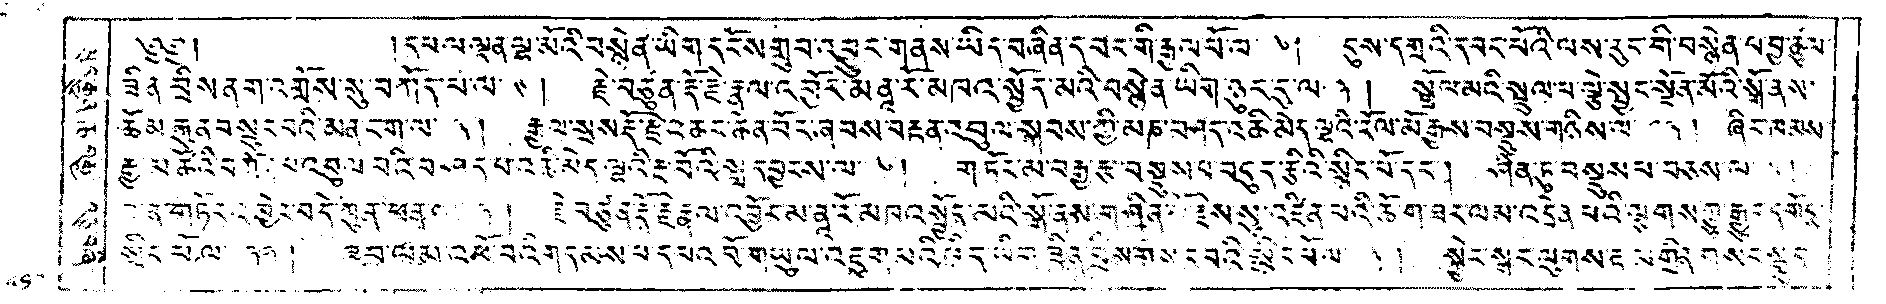༄༅། །དཔལ་ལྡན་ལྷ་མོའི་བསྙེན་ཡིག་དངོས་གྲུབ་འབྱུང་གནས་ཡིད་བཞིན་དབང་གི་རྒྱལ་པོ་ལ ༦། དུས་དགྲའི་དབང་པོའི་ལས་རུང་གི་བསྙེན་པ་བྱ་ཚུལ་
ཟིན་བྲིས་ནག་འགྲོས་སུ་བཀོད་པ་ལ ༤། རྗེ་བཙུན་རྡོ་རྗེ་རྣལ་འབྱོར་མ་ནཱ་རོ་མཁའ་སྤྱོད་མའི་བསྙེན་ཡིག་ཉུང་ངུ་ལ ༣། སྒྲོལ་མའི་སྤྲུལ་པ་ལྕེ་སྤྱང་སྔོན་མོའི་སྒོ་ནས་
ཆོམ་རྐུན་བསྲུང་བའི་མན་ངག་ལ ༣། རྒྱལ་སྲས་རྡོ་རྗེ་འཆང་ཆེན་པོར་ཞབས་བརྟན་འབུལ་སྐབས་ཀྱི་མཎ་བཤད་འཆི་མེད་ལྷའི་རོལ་མོ་རྒྱས་བསྡུས་གཉིས་ལ ༣། ཞིང་ཁམས་
རྒྱ་མཚོའི་བཀོད་པ་འབུལ་བའི་བཤད་པ་འཆི་མེད་ལྷའི་རྔ་བོའི་སྒྲ་དབྱངས་ལ ༦། གཏོར་མ་བརྒྱ་རྩ་བསྡུས་པ་བདུད་རྩིའི་སྙིང་པོ་དང་། ཤིན་ཏུ་བསྡུས་པ་བཅས་ལ ༥།
ལན་གཏོར་འཁྱེར་བདེ་ཀུན་ཕན་ལ ༣། རྗེ་བཙུན་རྡོ་རྗེ་རྣལ་འབྱོར་མ་ནཱ་རོ་མཁའ་སྤྱོད་མའི་སྒོ་ནས་གཤིན་པོ་རྗེས་སུ་འཛིན་པའི་ཆོ་ག་ཐར་ལམ་འདྲེན་པའི་ལྕགས་ཀྱུ་རྒྱུད་དགོངས་
སྙིང་པོ་ལ ༢༢། ཟབ་ལམ་འཕོ་བའི་གདམས་པ་དཔའ་བོ་གཡུལ་འཇུག་མའི་ཁྲིད་ཡིག་ཟིན་བྲིས་གསང་བའི་སྙིང་པོ་ལ ༣། སྐྱེར་སྒང་ལུགས་རྟ་མགྲིན་གསང་སྒྲུབ་